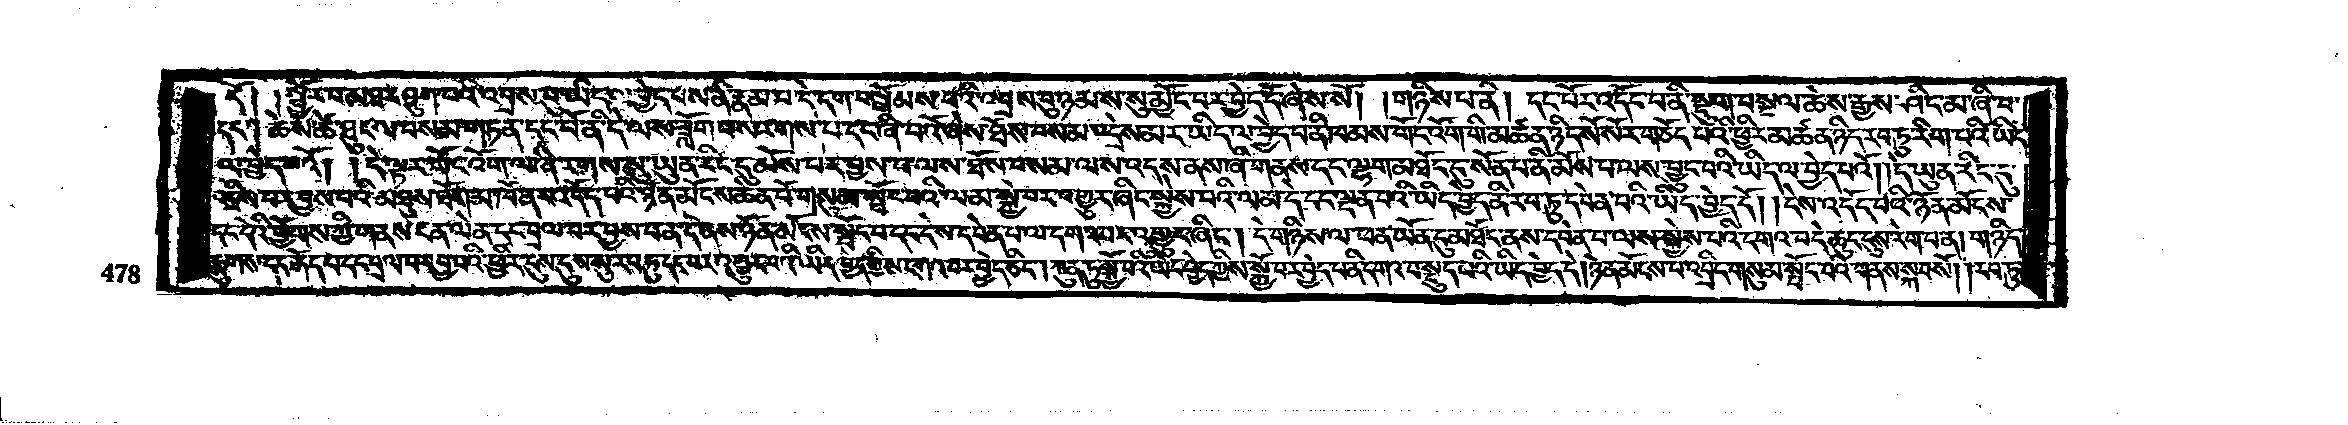དོ། །སྦྱོར་བ་མཐར་ཐུག་པའི་འབྲས་བུ་ཡིད་ལ་བྱེད་པས་ནི་རྣམ་པ་དེ་དག་བསྒོམས་པའི་འབྲས་བུ་ཉམས་སུ་མྱོང་བར་བྱེད་དོ་ཞེས་སོ། །གཉིས་པ་ནི། དང་པོར་འདོད་པ་ནི་སྡུག་བསྔལ་ཆེས་རྒྱས་ཤིང་མ་ཞི་བ་
དང་། ཆོས་ཚེ་ཐུང་ལ་བསམ་གཏན་དང་པོ་ནི་དེ་ལས་ཟློག་པས་རགས་པ་དང་ཞི་བའོ་ཞེས་ཐོས་བསམ་འདྲེས་མར་ཡིད་ལ་བྱེད་པ་ནི་ཁམས་གོང་འོག་གི་མཚན་ཉིད་སོ་སོར་གཅོད་པའི་ཕྱིར་མཚན་ཉིད་རབ་ཏུ་རིག་པའི་ཡིད་
ལ་བྱེད་པའོ། །དེ་ལྟར་གོང་འོག་ལ་ཞི་རགས་སུ་ཡུན་རིང་དུ་མོས་པར་བྱས་པ་ལས་ཐོས་བསམ་ལས་འདས་ནས་ཞི་གནས་དང་ལྷག་མཐོང་དུ་སོན་པ་ནི་མོས་པ་ལས་བྱུང་བའི་ཡིད་ལ་བྱེད་པའོ། །དེ་ཡུན་རིང་དུ་
འདྲིས་པར་བྱས་པའི་མཐུས་ཐོག་མ་ཁོ་ནར་འདོད་པའི་ཉོན་མོངས་ཆེན་པོ་གསུམ་སྤོང་བའི་ལམ་སྐྱེ་བར་འགྱུར་ཞིང་སྐྱེས་པའི་ལམ་དེ་དང་ལྡན་པའི་ཡིད་བྱེད་ནི་རབ་ཏུ་དབེན་པའི་ཡིད་བྱེད་དོ། །དེས་འདོད་པའི་ཉོན་མོངས་
དང་དེའི་ཕྱོགས་ཀྱི་གནས་ངན་ལེན་དང་བྲལ་བར་བྱས་པ་ན་དེ་ནས་ཉོན་མོངས་སྤོང་བ་དང་དེས་དབེན་པ་ལ་དགའ་བར་འགྱུར་ཞིང་། དེ་གཉིས་ལ་ཕན་ཡོན་དུ་མཐོང་ནས་དབེན་པ་ལས་སྐྱེས་པའི་དགའ་བདེ་ཆུང་ངུས་རེག་པ་ན། གཉིད་
རྨུགས་དང་རྒོད་པ་དང་བྲལ་བར་བྱ་བའི་ཕྱིར་དུས་དུས་སུ་རབ་ཏུ་དང་བར་འགྱུར་བའི་ཡིད་བྱེད་ཀྱིས་དགའ་བར་བྱེད་ཅིང་། ཀུན་ཏུ་སྐྱོ་བའི་ཡིད་བྱེད་ཀྱིས་སྐྱོ་བར་བྱེད་པ་ནི་དགའ་བ་སྡུད་པའི་ཡིད་བྱེད་དེ། ཉོན་མོངས་པ་འབྲིང་གསུམ་སྤོང་བའི་གནས་སྐབས་སོ། །རབ་ཏུ་